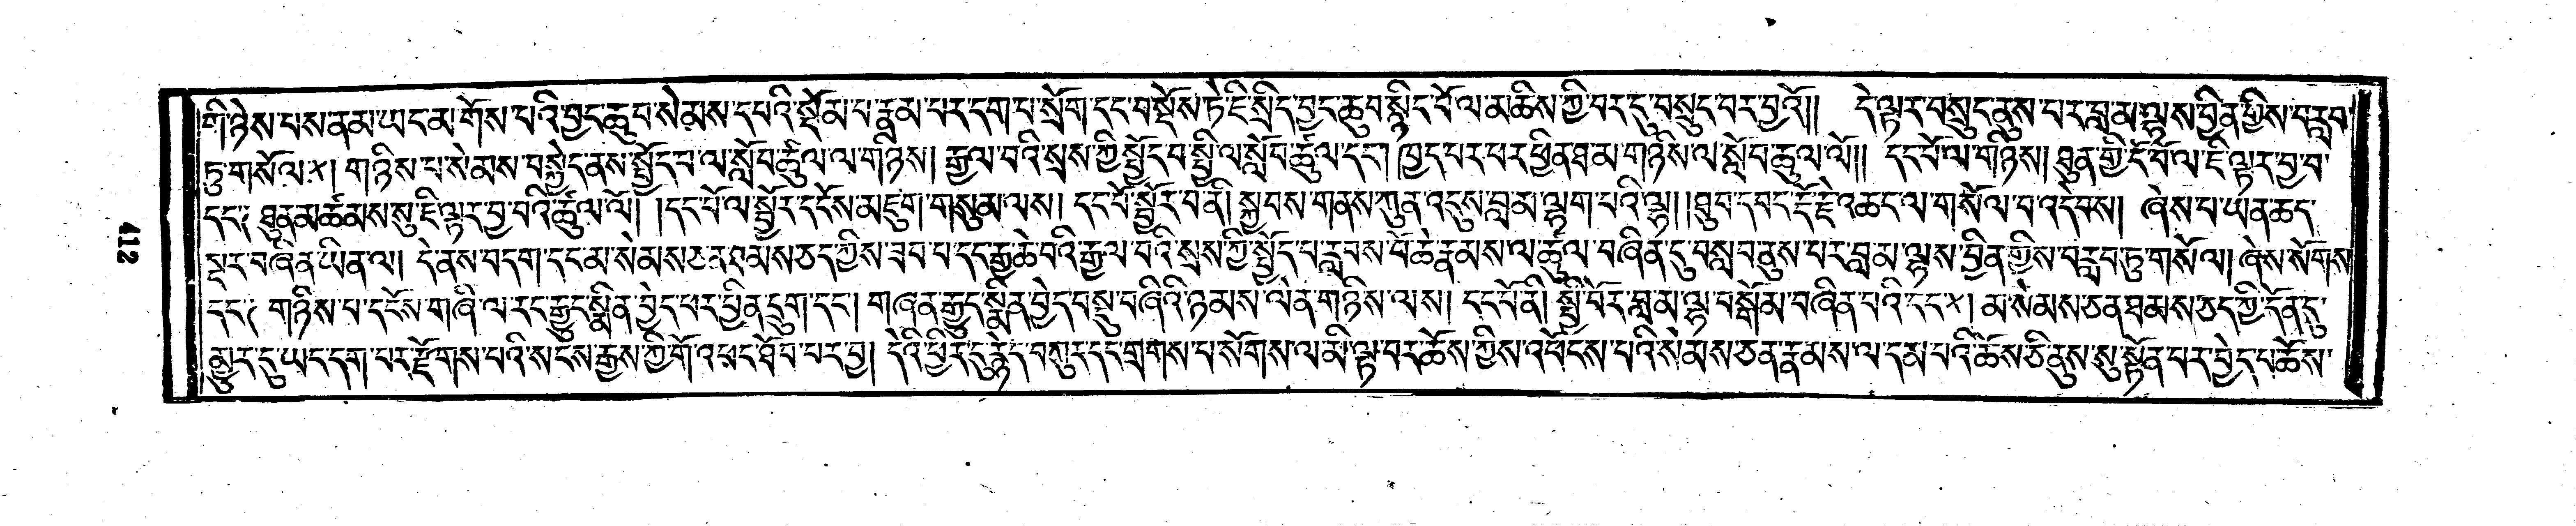གི་ཉེས་པས་ནམ་ཡང་མ་གོས་པའི་བྱང་ཆུབ་སེམས་དཔའི་སྡོམ་པ་རྣམ་པར་དག་པ་སྲོག་དང་བསྡོས་ཏེ་ཇི་སྲིད་བྱང་ཆུབ་སྙིང་པོ་ལ་མཆིས་ཀྱི་བར་དུ་བསྲུང་བར་བྱའོ། །དེ་ལྟར་བསྲུང་ནུས་པར་བླ་མ་ལྷས་བྱིན་གྱིས་བརླབ་
ཏུ་གསོལ་྾། གཉིས་པ་སེམས་བསྐྱེད་ནས་སྤྱོད་པ་ལ་སློབ་ཚུལ་ལ་གཉིས། རྒྱལ་བའི་སྲས་ཀྱི་སྤྱོད་པ་སྤྱི་ལ་སློབ་ཚུལ་དང་། ཁྱད་པར་ཕར་ཕྱིན་ཐ་མ་གཉིས་ལ་སློབ་ཚུལ་ལོ། །དང་པོ་ལ་གཉིས། ཐུན་གྱི་ངོ་བོ་ལ་ཇི་ལྟར་བྱ་བ་
དང་། ཐུན་མཚམས་སུ་ཇི་ལྟར་བྱ་བའི་ཚུལ་ལོ། །དང་པོ་ལ་སྦྱོར་དངོས་མཇུག་གསུམ་ལས། དང་པོ་སྦྱོར་བ་ནི། སྐྱབས་གནས་ཀུན་འདུས་བླ་མ་ལྷག་པའི་ལྷ། །ཐུབ་དབང་རྡོ་རྗེ་འཆང་ལ་གསོལ་བ་འདེབས། ཞེས་པ་ཡན་ཆད་
སྔར་བཞིན་ཡིན་ལ། དེ་ནས་བདག་དང་མ་སེམས་ཅན་ཐམས་ཅད་ཀྱིས་ཟབ་པ་དང་རྒྱ་ཆེ་བའི་རྒྱལ་བའི་སྲས་ཀྱི་སྤྱོད་པ་རླབས་པོ་ཆེ་རྣམས་ལ་ཚུལ་བཞིན་དུ་བསླབ་ནུས་པར་བླ་མ་ལྷས་བྱིན་གྱིས་བརླབ་ཏུ་གསོལ། ཞེས་སོགས་
དང་། གཉིས་པ་དངོས་གཞི་ལ་རང་རྒྱུད་སྨིན་བྱེད་ཕར་ཕྱིན་དྲུག་དང་། གཞན་རྒྱུད་སྨིན་བྱེད་བསྡུ་བཞིའི་ཉམས་ལེན་གཉིས་ལས། དང་པོ་ནི། སྤྱི་བོར་བླ་མ་ལྷ་བསྒོམ་བཞིན་པའི་ངང་྾། མ་སེམས་ཅན་ཐམས་ཅད་ཀྱི་དོན་དུ་
མྱུར་དུ་ཡང་དག་པར་རྫོགས་པའི་སངས་རྒྱས་ཀྱི་གོ་འཕང་ཐོབ་པར་བྱ། དེའི་ཕྱིར་དུ་རྙེད་བཀུར་དང་གྲགས་པ་སོགས་ལ་མི་ལྟ་བར་ཆོས་ཀྱིས་འཕོངས་པའི་སེམས་ཅན་རྣམས་ལ་དམ་པའི་ཆོས་ཅི་ནུས་སུ་སྟོན་པར་བྱེད་པ་ཆོས་